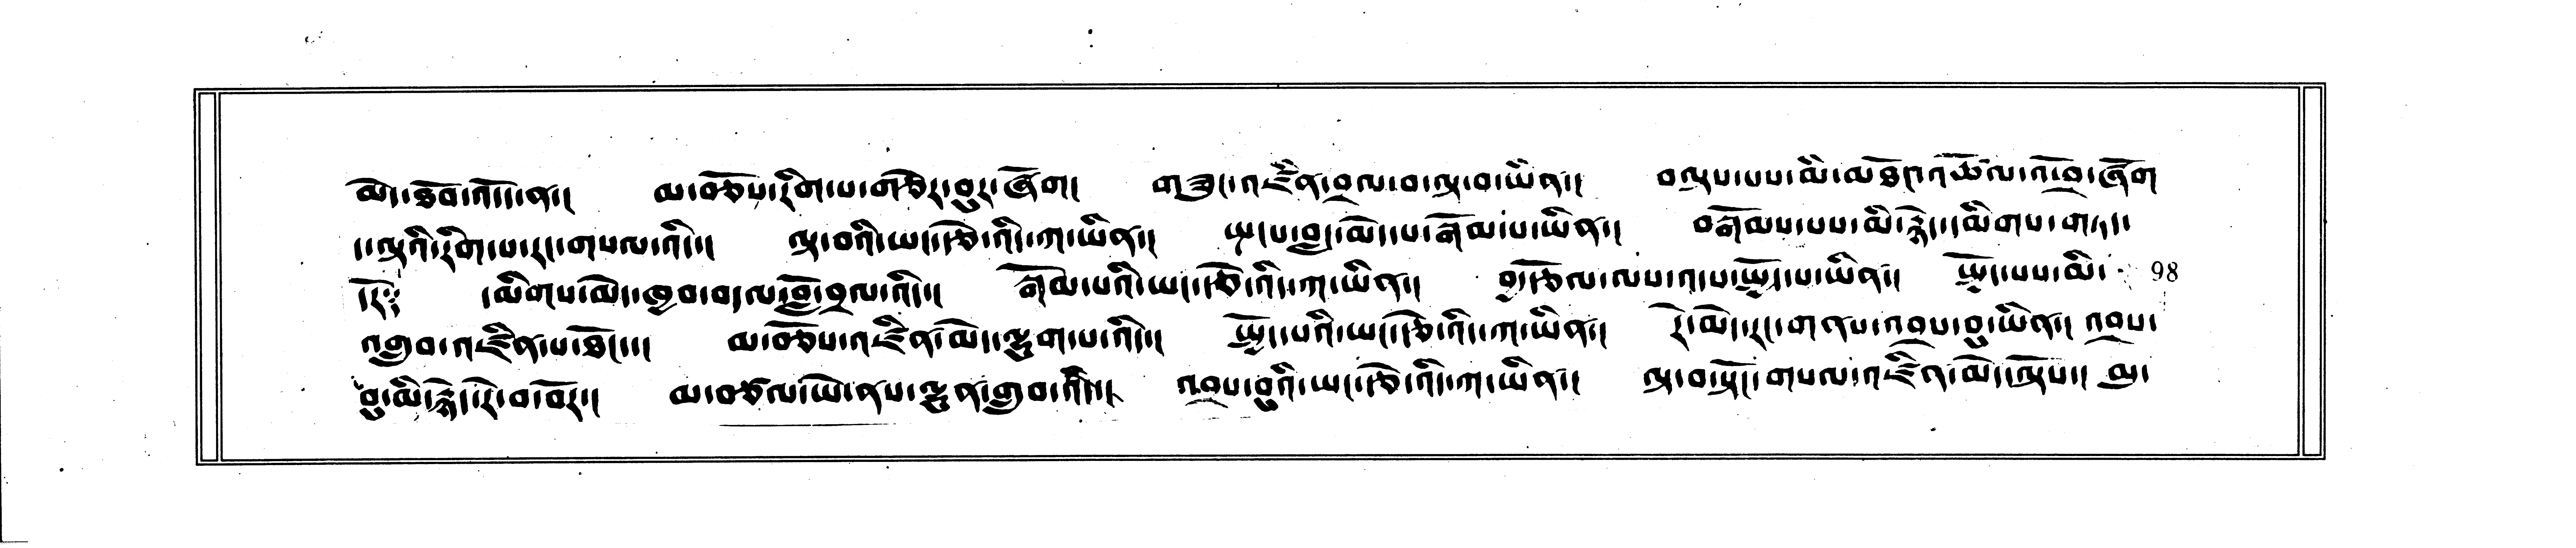མེད་ཐོབ་འདོད་ན། །མ་བཅོས་རིག་པ་གཅེར་བུར་ཞོག །གཟུང་འཛིན་བྲལ་བ་ལྟ་བ་ཡིན། །བལྟས་པས་མི་མཐོང་འཚོལ་འཕྲོ་ཞོག 
།ད་ལྟའི་རིག་པ་རང་གསལ་འདི། །ལྟ་བའི་ཡང་རྩེ་འདི་ཀ་ཡིན། །སྤང་བླང་མེད་པ་སྒོམ་པ་ཡིན། །བསྒོམས་པས་མི་རྙེད་དམིགས་གཏད་
དོར། །དམིགས་མེད་ཁྱབ་བདལ་བློ་བྲལ་འདི། །སྒོམ་པའི་ཡང་རྩེ་འདི་ཀ་ཡིན། །བྱ་རྩོལ་ལས་འདས་སྤྱོད་པ་ཡིན། །སྤྱོད་པས་མི་
འགྲུབ་འཛིན་པ་ཐོངས། །མ་བཅོས་འཛིན་མེད་ལྷུག་པ་འདི། །སྤྱོད་པའི་ཡང་རྩེ་འདི་ཀ་ཡིན། །རེ་མེད་རང་གནས་འབྲས་བུ་ཡིན། །འབྲས་
བུ་མི་རྙེད་རེ་་བ་བོར། །མ་བཙལ་ཡེ་ནས་ལྷུན་གྲུབ་འདི། །འབྲས་བུའི་ཡང་རྩེ་འདི་ཀ་ཡིན། །ལྟ་བ་སྟོང་གསལ་འཛིན་མེད་ལྟོས། །མུ་